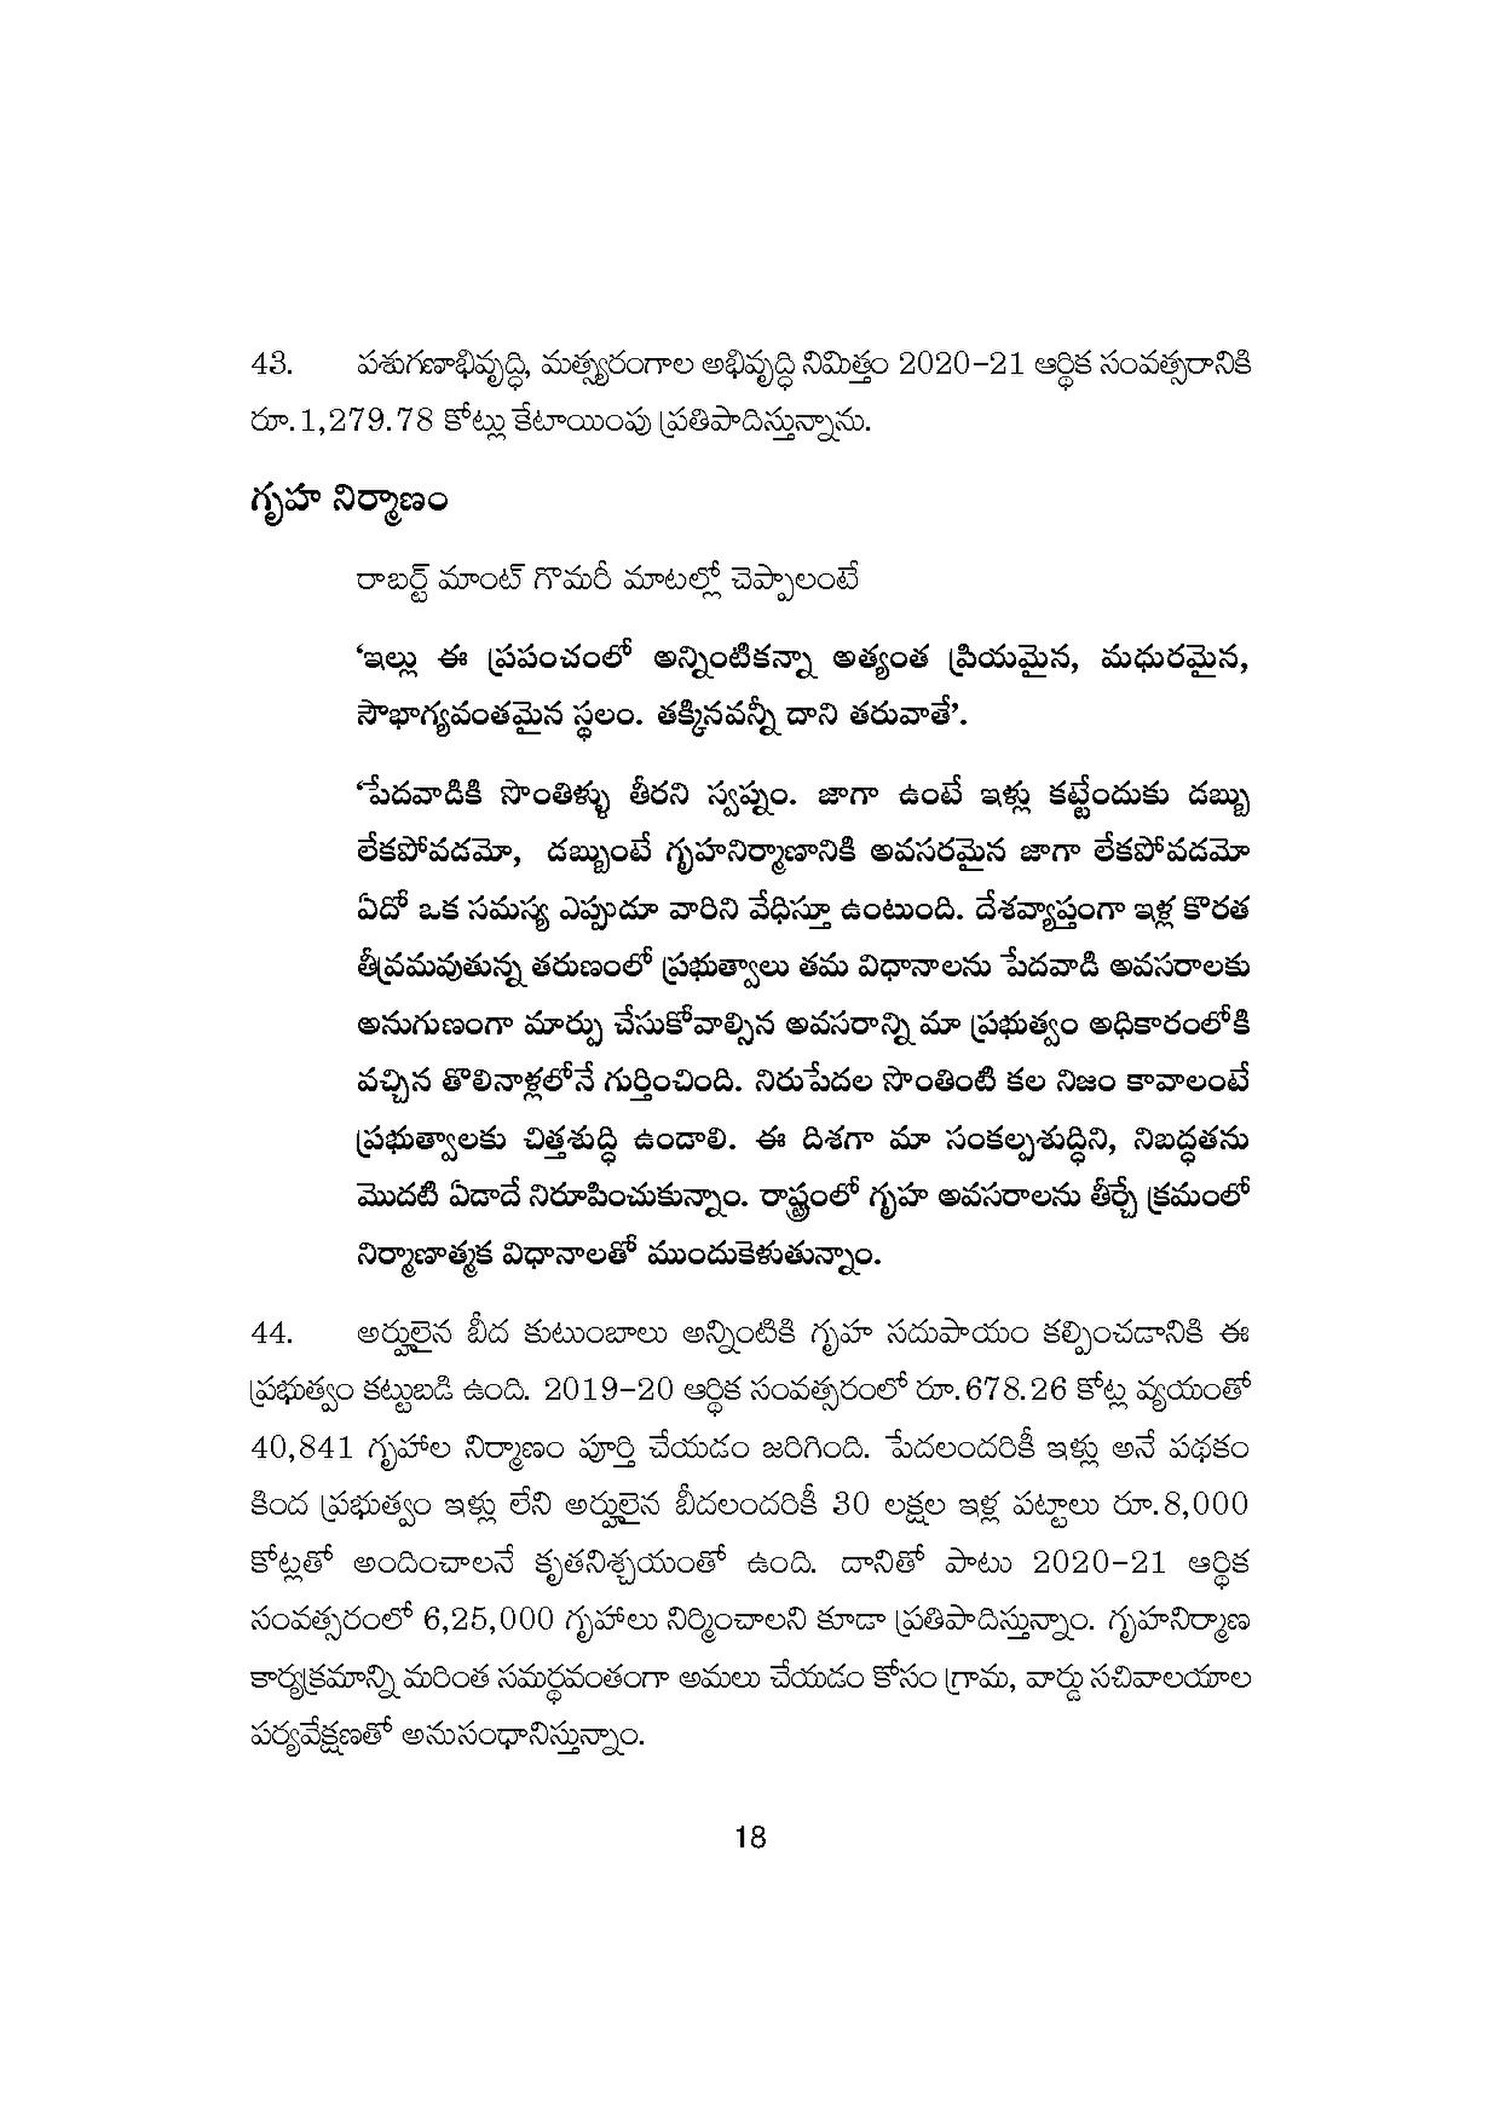43. పశుగణాభివృద్ధి, మత్స్యరంగాల అభివృద్ధి నిమిత్తం 2020-21 ఆర్థిక సంవత్సరానికి రూ.1,279.78 కోట్లు కేటాయింపు ప్రతిపాదిస్తున్నాను. 

గృహ నిర్మాణం

రాబర్ట్ మాంట్ గొమరీ మాటల్లో చెప్పాలంటే

 
'ఇల్లు ఈ ప్రపంచంలో అన్నింటికన్నా అత్యంత ప్రియమైన, మధురమైన, సౌభాగ్యవంతమైన స్థలం. తక్కినవన్నీ దాని తరువాతే'.

'పేదవాడికి సొంతిళ్ళు తీరని స్వప్నం. జాగా ఉంటే ఇళ్లు కట్టేందుకు డబ్బు లేకపోవడమో, డబ్బుంటే గృహనిర్మాణానికి అవసరమైన జాగా లేకపోవడమో ఏదో ఒక సమస్య ఎప్పుడూ వారిని వేధిస్తూ ఉంటుంది. దేశవ్యాప్తంగా ఇళ్ల కొరత తీవ్రమవుతున్న తరుణంలో ప్రభుత్వాలు తమ విధానాలను పేదవాడి అవసరాలకు అనుగుణంగా మార్పు చేసుకోవాల్సిన అవసరాన్ని మా ప్రభుత్వం అధికారంలోకి వచ్చిన తొలినాళ్లలోనే గుర్తించింది. నిరుపేదల సొంతింటి కల నిజం కావాలంటే ప్రభుత్వాలకు చిత్తశుద్ధి ఉండాలి. ఈ దిశగా మా సంకల్ప శుద్ధిని, నిబద్ధతను మొదటి ఏడాదే నిరూపించుకున్నాం. రాష్ట్రంలో గృహ అవసరాలను తీర్చే క్రమంలో నిర్మాణాత్మక విధానాలతో ముందుకెళుతున్నాం.  

44. అర్హులైన బీద కుటుంబాలు అన్నింటికి గృహ సదుపాయం కల్పించడానికి ఈ ప్రభుత్వం కట్టుబడి ఉంది. 2019-20 ఆర్థిక సంవత్సరంలో రూ. 678.26 కోట్ల వ్యయంతో 40,841 గృహాల నిర్మాణం పూర్తి చేయడం జరిగింది. పేదలందరికీ ఇళ్లు అనే పథకం కింద ప్రభుత్వం ఇళ్లు లేని అర్హులైన బీదలందరికీ 30 లక్షల ఇళ్ల పట్టాలు రూ.8,000 కోట్లతో అందించాలనే కృతనిశ్చయంతో ఉంది. దానితో పాటు 2020-21 ఆర్థిక సంవత్సరంలో 6,25,000 గృహాలు నిర్మించాలని కూడా ప్రతిపాదిస్తున్నాం. గృహనిర్మాణ కార్యక్రమాన్ని మరింత సమర్థవంతంగా అమలు చేయడం కోసం గ్రామ, వార్డు సచివాలయాల పర్యవేక్షణతో అనుసంధానిస్తున్నాం.